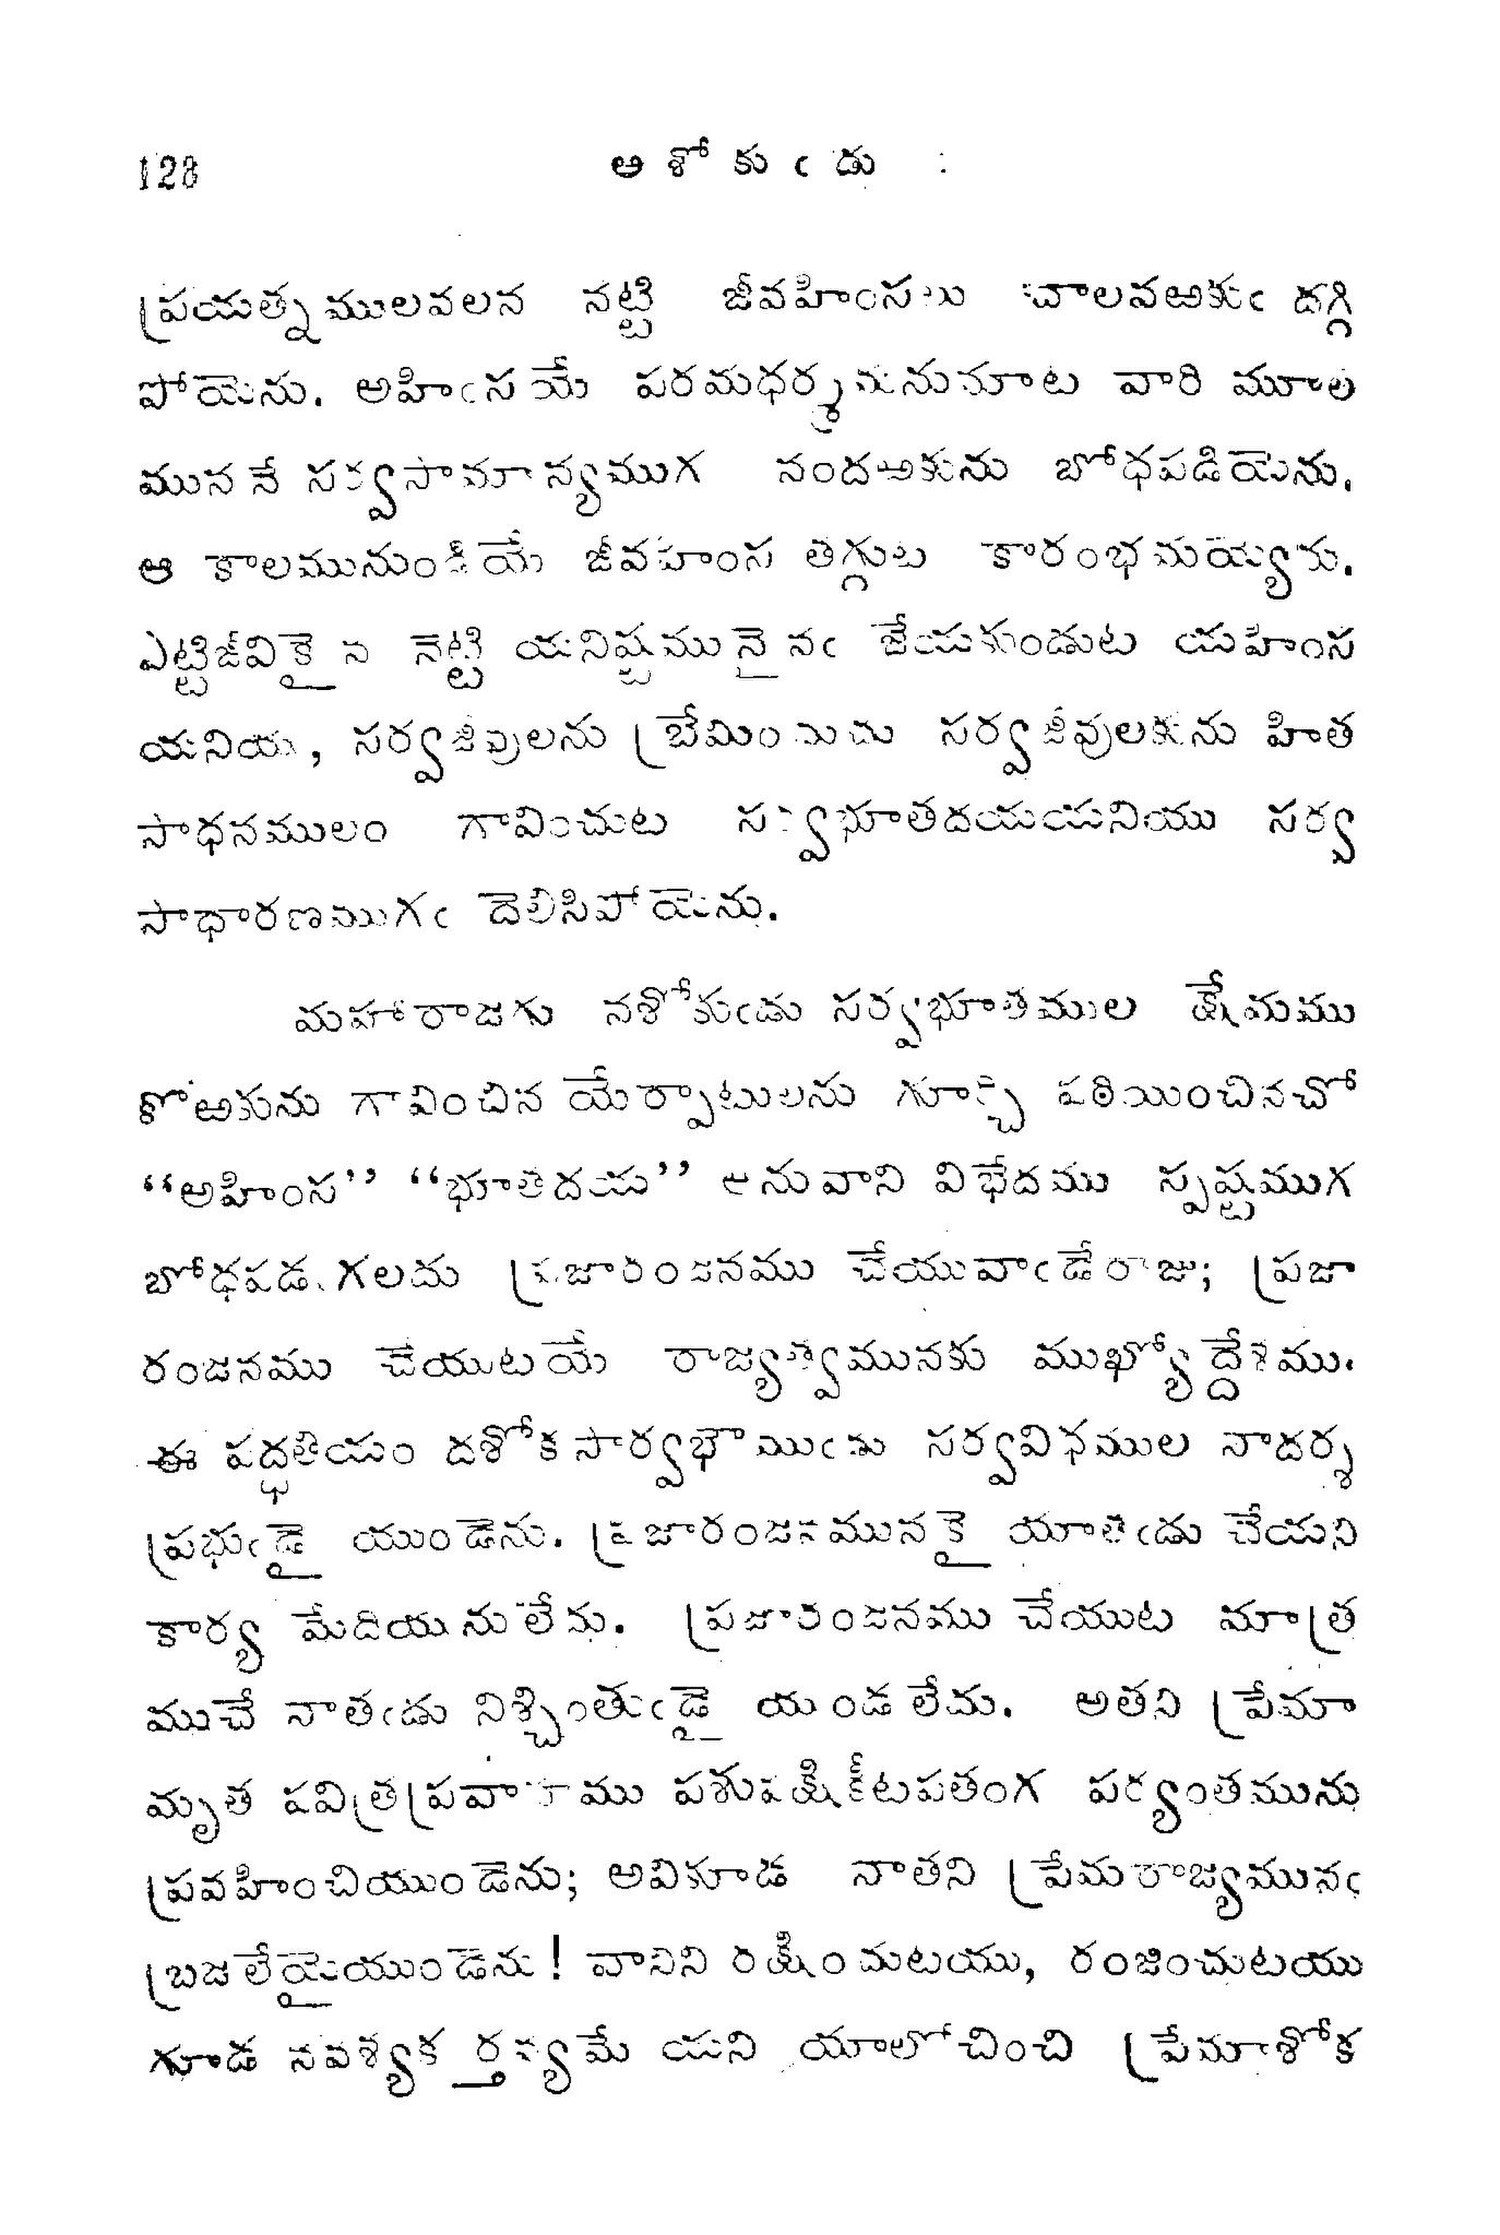ప్రయత్నములవలన నట్టి జీవహింసలు చాలవఱకుఁ దగ్గి పోయెను. అహింసయే పరమధర్మమనుమాట వారి మూలమున నే సర్వసామాన్యముగ నందఱకును బోధపడియెను,
ఆ కాలమునుండి యే జీవహింస తగ్గుల కారంభ మయ్యెను. ఎట్టిజీవికైన నెట్టి యనిష్టము నైనఁ జేయకుండుట యహింస యనియు, సర్వజీవులను ప్రేమించుచు సర్వజీవులకును హిత
సాధనములం గావించుట సర్వభూతదయయనియు సర్వ సాధారణముగఁ దెలిసిపోయెను.

మహా రాజగు నశోకుఁడు సర్వభూతముల క్షేమము కొఱకును గావించిన యేర్పాటులను గూర్చి పఠియించినచో “అహింస ” “భూతదయ” అను వాని విభేదము స్పష్టముగ బోధపడ గలదు ప్రజారంజనము చేయు వాఁడే రాజు, ప్రజా రంజనము చేయుటయే రాజ్యత్వమునకు ముఖ్యోద్దేశము. ఈ పద్దతియం దశోక సార్వభౌముఁడు సర్వవిధముల నాదర్శప్రభుఁ డై యుండెను. ప్రజారంజనమునకై యాతఁడు చేయని కార్య మేదియును లేదు. ప్రజా రంజనము చేయుట మాత్రముచే నాతఁడు నిశ్చింతుఁడై యుండ లేదు. అతని ప్రేమామృత పవిత్రప్రవాహము పశుపక్షి కీటపతంగ పర్యంతమును ప్రవహించి యుండెను; అవికూడ నాతని ప్రేమ రాజ్యమునఁ బ్రజ లేమైయుండెను ! వానిని రక్షించుటయు, రంజించుటయు గూడ నవశ్యక ర్తవ్యమే యని యాలోచించి ప్రేమాశోక